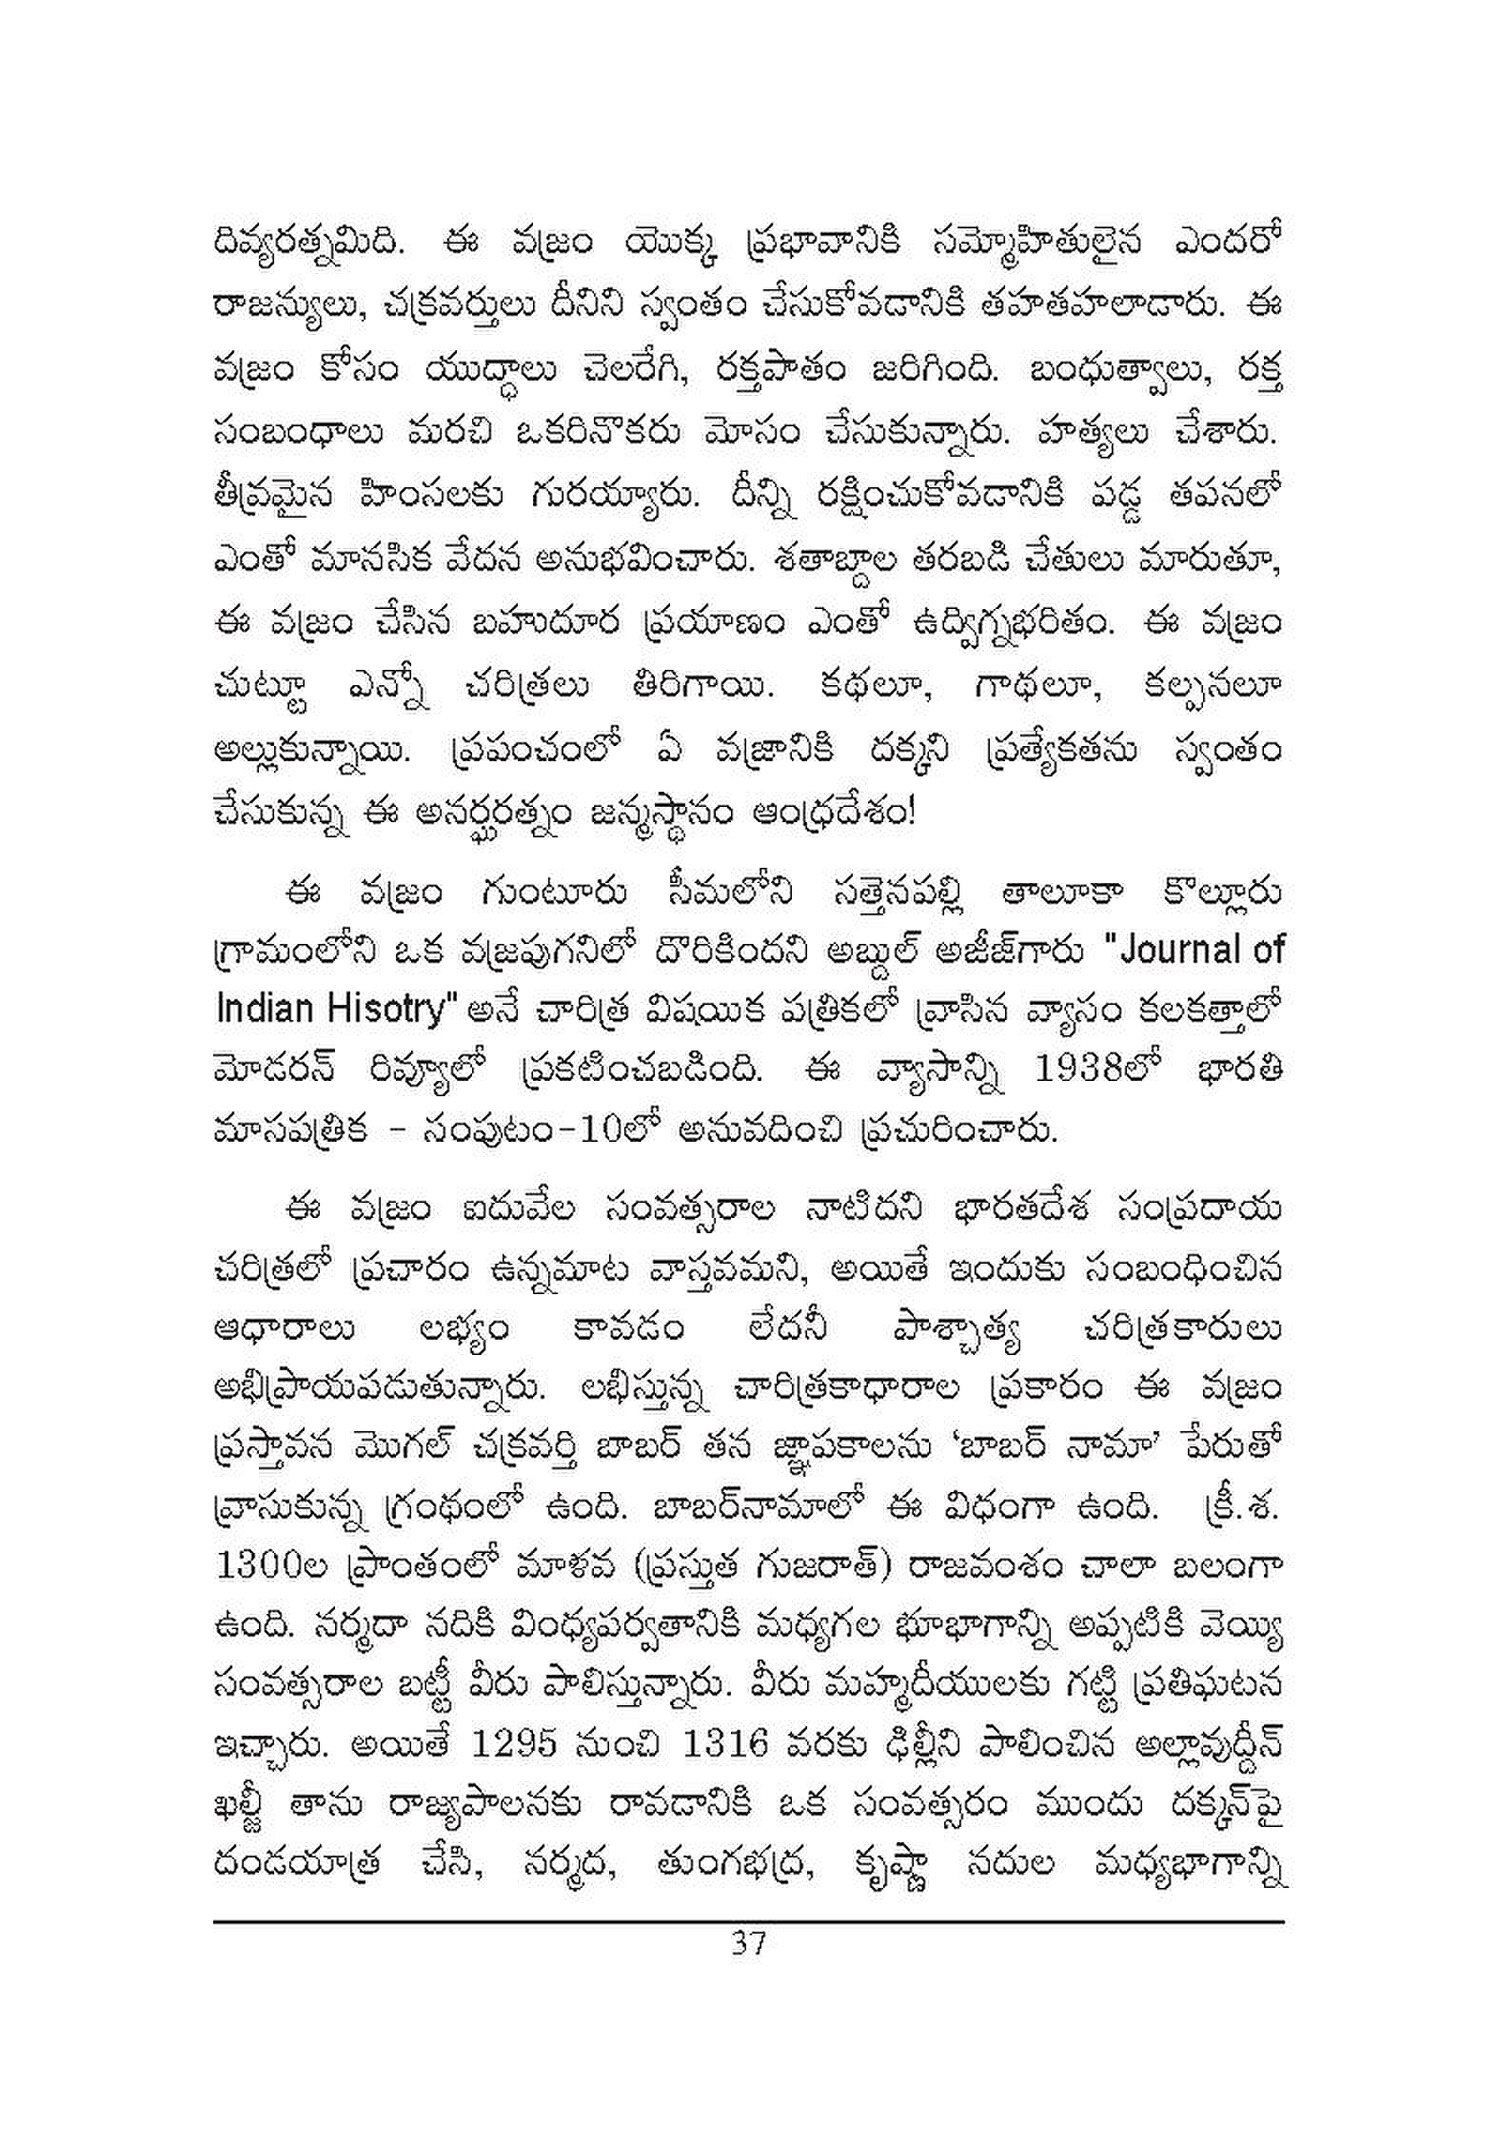దివ్యరత్నమిది. ఈ వజ్రం యొక్క ప్రభావానికి సమ్మోహితులైన ఎందరో రాజన్యులు, చక్రవర్తులు దీనిని స్వంతం చేసుకోవడానికి తహతహలాడారు. ఈ వజ్రం కోసం యుద్ధాలు చెలరేగి, రక్తపాతం జరిగింది. బంధుత్వాలు, రక్త సంబంధాలు మరచి ఒకరినొకరు మోసం చేసుకున్నారు. హత్యలు చేశారు. తీవ్రమైన హింసలకు గురయ్యారు. దీన్ని రక్షించుకోవడానికి పడ్డ తపనలో ఎంతో మానసిక వేదన అనుభవించారు. శతాబ్దాల తరబడి చేతులు మారుతూ, ఈ వజ్రం చేసిన బహుదూర ప్రయాణం ఎంతో ఉద్విగ్నభరితం. ఈ వజ్రం చుట్టూ ఎన్నో చరిత్రలు తిరిగాయి. కథలూ, గాథలూ, కల్పనలూ అల్లుకున్నాయి. ప్రపంచంలో ఏ వజ్రానికి దక్కని ప్రత్యేకతను స్వంతం చేసుకున్న ఈ అనర్ఘరత్నం జన్మస్థానం ఆంధ్రదేశం!

ఈ వజ్రం గుంటూరు సీమలోని సత్తెనపల్లి తాలూకా కొల్లూరు గ్రామంలోని ఒక వజ్రపుగనిలో దొరికిందని అబ్దుల్ అజీజ్గారు "Journal of Indian Hisotry" అనే చారిత్ర విషయిక పత్రికలో వ్రాసిన వ్యాసం కలకత్తాలో మోడరన్ రివ్యూలో ప్రకటించబడింది. ఈ వ్యాసాన్ని 1938లో భారతి మాసపత్రిక — సంపుటం-10లో అనువదించి ప్రచురించారు.

ఈ వజ్రం ఐదువేల సంవత్సరాల నాటిదని భారతదేశ సంప్రదాయ చరిత్రలో ప్రచారం ఉన్నమాట వాస్తవమని, అయితే ఇందుకు సంబంధించిన ఆధారాలు లభ్యం కావడం లేదనీ పాశ్చాత్య చరిత్రకారులు అభిప్రాయపడుతున్నారు. లభిస్తున్న చారిత్రకాధారాల ప్రకారం ఈ వజ్రం ప్రస్తావన మొగల్ చక్రవర్తి బాబర్ తన జ్ఞాపకాలను 'బాబర్ నామా' పేరుతో వ్రాసుకున్న గ్రంథంలో ఉంది. బాబర్నామాలో ఈ విధంగా ఉంది. క్రీ.శ. 1300ల ప్రాంతంలో మాళవ (ప్రస్తుత గుజరాత్) రాజవంశం చాలా బలంగా ఉంది. నర్మదా నదికి వింధ్యపర్వతానికి మధ్యగల భూభాగాన్ని అప్పటికి వెయ్యి సంవత్సరాల బట్టీ వీరు పాలిస్తున్నారు. వీరు మహ్మదీయులకు గట్టి ప్రతిఘటన ఇచ్చారు. అయితే 1295 నుంచి 1316 వరకు ఢిల్లీని పాలించిన అల్లావుద్దీన్ ఖల్జీ తాను రాజ్యపాలనకు రావడానికి ఒక సంవత్సరం ముందు దక్కన్ పై దండయాత్ర చేసి, నర్మద, తుంగభద్ర, కృష్ణా నదుల మధ్యభాగాన్ని